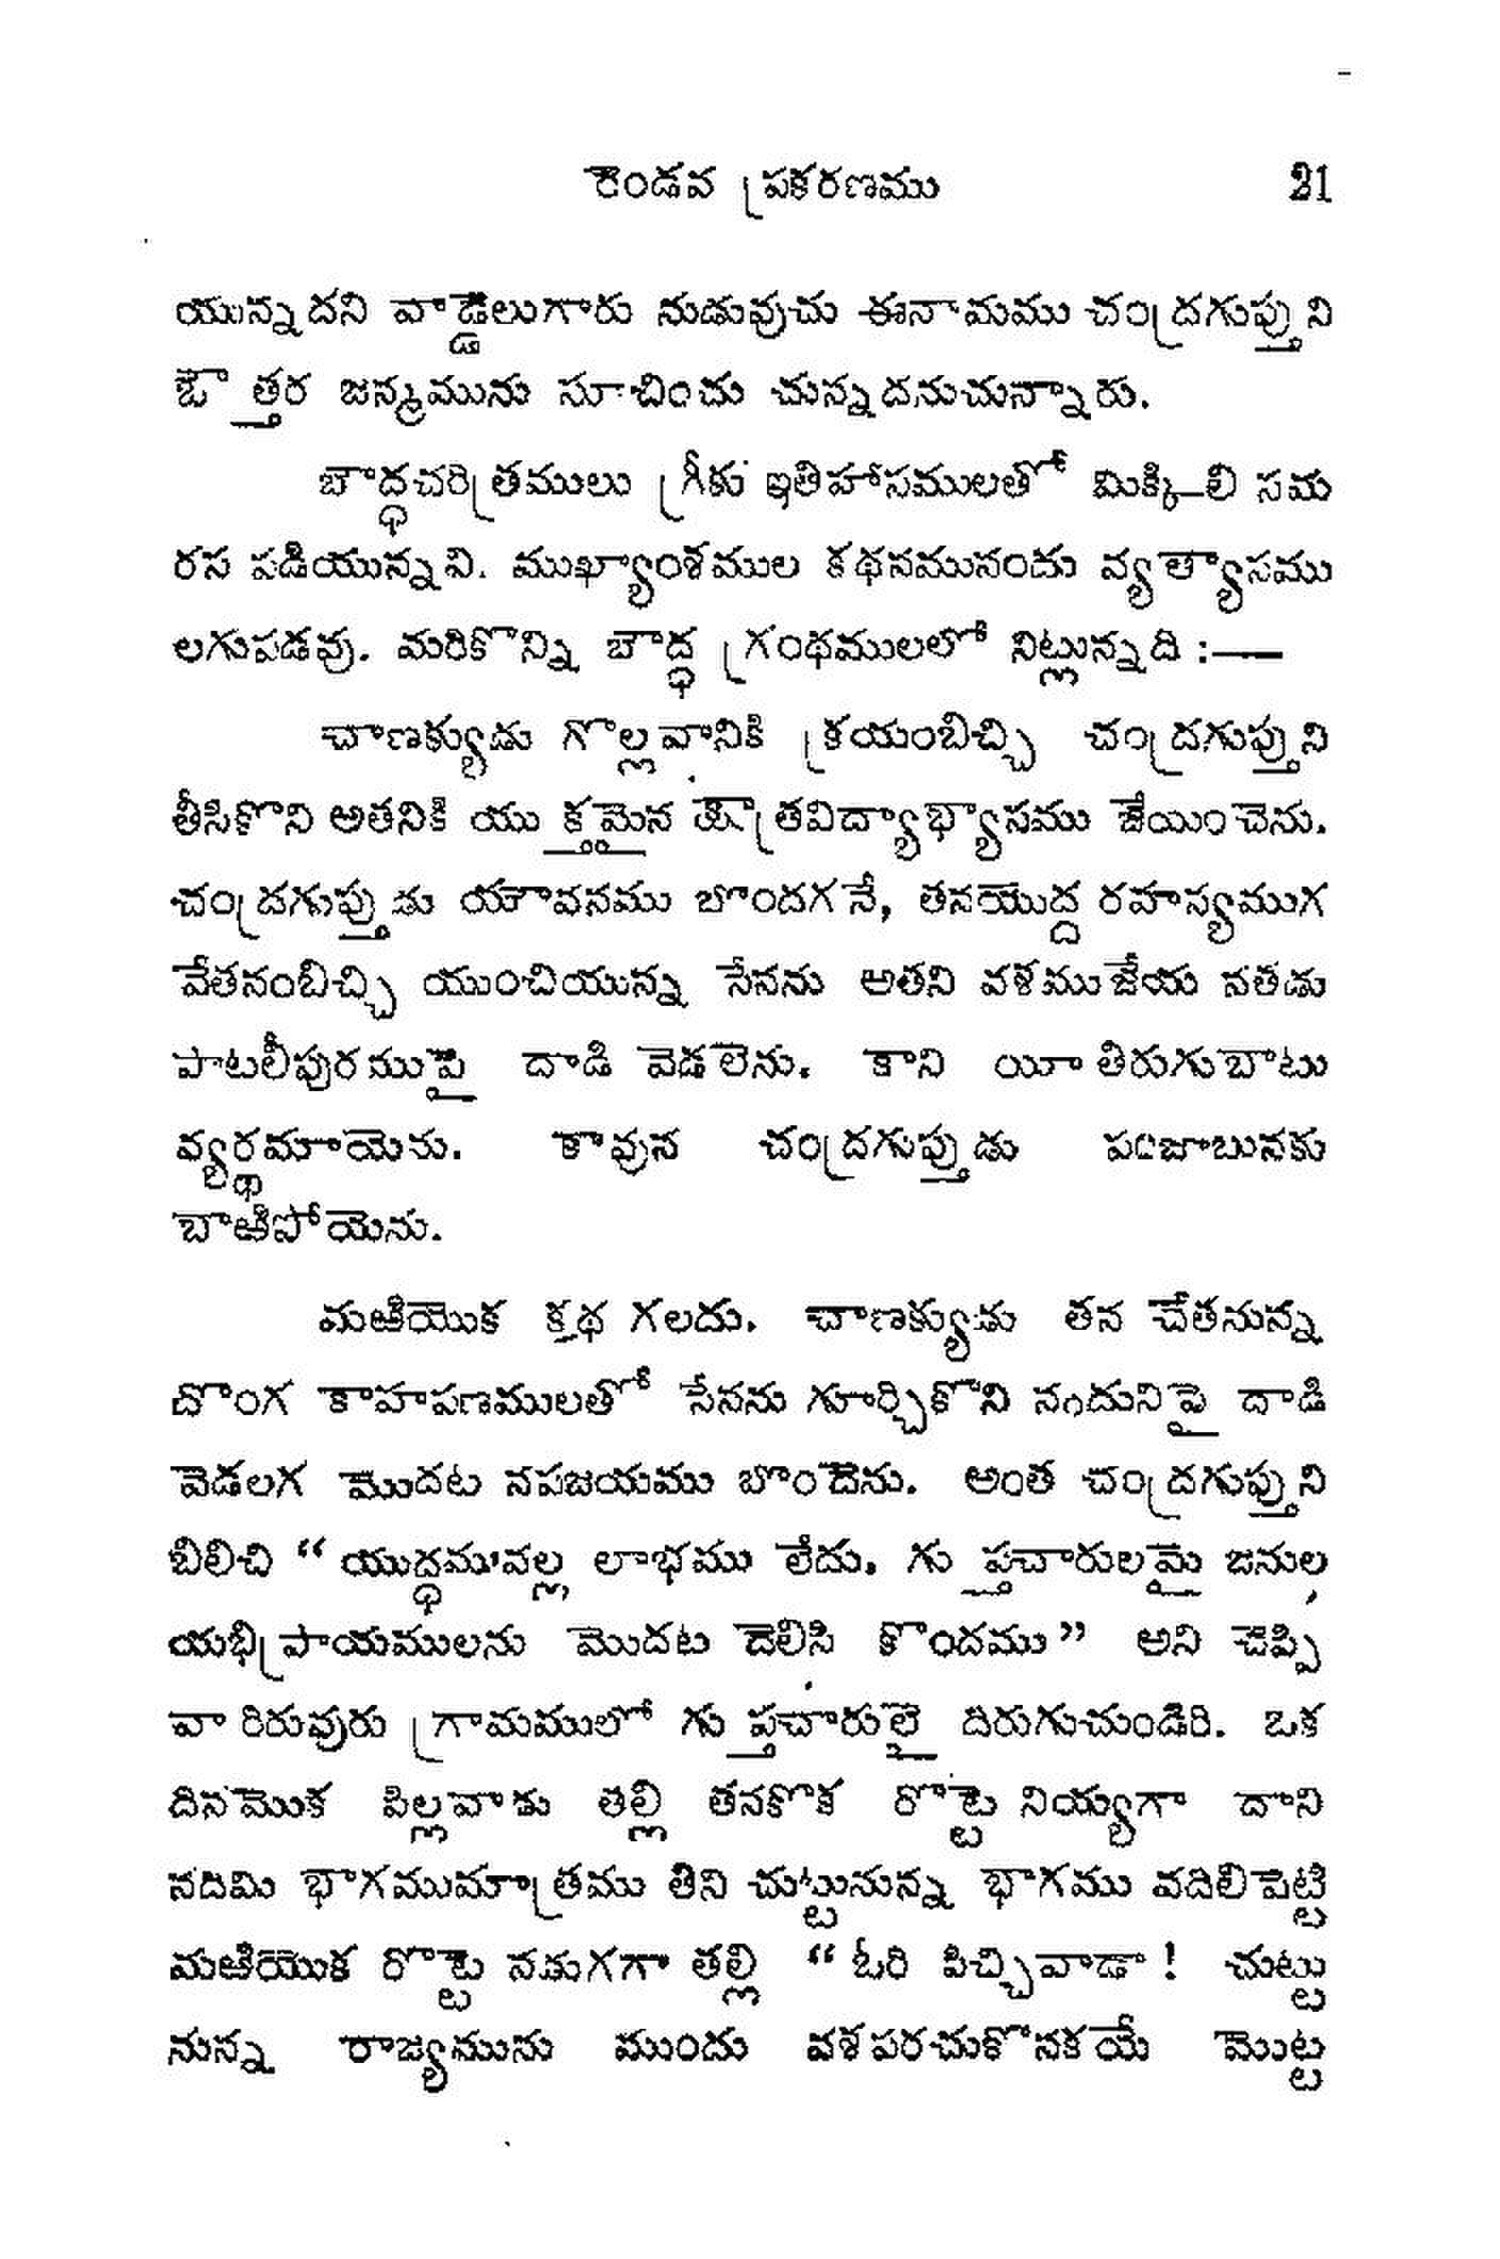యున్నదని వాడ్డెలుగారు నుడువుచు ఈనామము చంద్రగుప్తుని ఔత్తర జన్మమును సూచించు చున్నదనుచున్నారు.

బౌద్ధచరిత్రములు గ్రీకు ఇతిహాసములతో మిక్కిలి సమరస పడియున్నవి. ముఖ్యాంశముల కథనమునందు వ్యత్యాసము లగుపడవు. మరికొన్ని బౌద్ధ గ్రంథములలో నిట్లున్నది :-

చాణక్యుడు గొల్లవానికి క్రయంబిచ్చి చంద్రగుప్తుని తీసికొని అతనికి యుక్తమైన క్షాత్రవిద్యాభ్యాసము జేయించెను. చంద్రగుప్తుడు యౌవనము బొందగనే, తనయొద్ద రహస్యముగ వేతనంబిచ్చి యుంచియున్న సేనను అతని వశముజేయ నతడు పాటలీపురముపై దాడి వెడలెను. కాని యీ తిరుగుబాటు వ్యర్థమాయెను. కావున చంద్రగుప్తుడు పంజాబునకు బాఱిపొయెను.

మఱియొక కథ గలదు. చాణక్యుడు తన చేతనున్న దొంగ కాహపణములతో సేనను గూర్చికొని నందునిపై దాడి వెడలగ మొదట నపజయము బొందెను. అంత చంద్రగుప్తుని బిలిచి "యుద్ధమువల్ల లాభము లేదు. గుప్తాచారులమై జనుల యభిప్రాయములను మొదట దెలిసి కొందము" అని చెప్పి వా రిరువురు గ్రామములో గుప్తచారులై దిరుగుచుండిరి. ఒక దినమొక పిల్లవాడు తల్లి తనకొక రొట్టె నియ్యగా దాని నదిమి భాగముమాత్రము తిని చుట్టునున్న భాగము వదలిపెట్టి మఱియొక రొట్టె నడుగగా తల్లి "ఓరి పిచ్చివాడా! చుట్టు నున్న రాజ్యమును ముందు వశపరచుకొనకయే మొట్ట